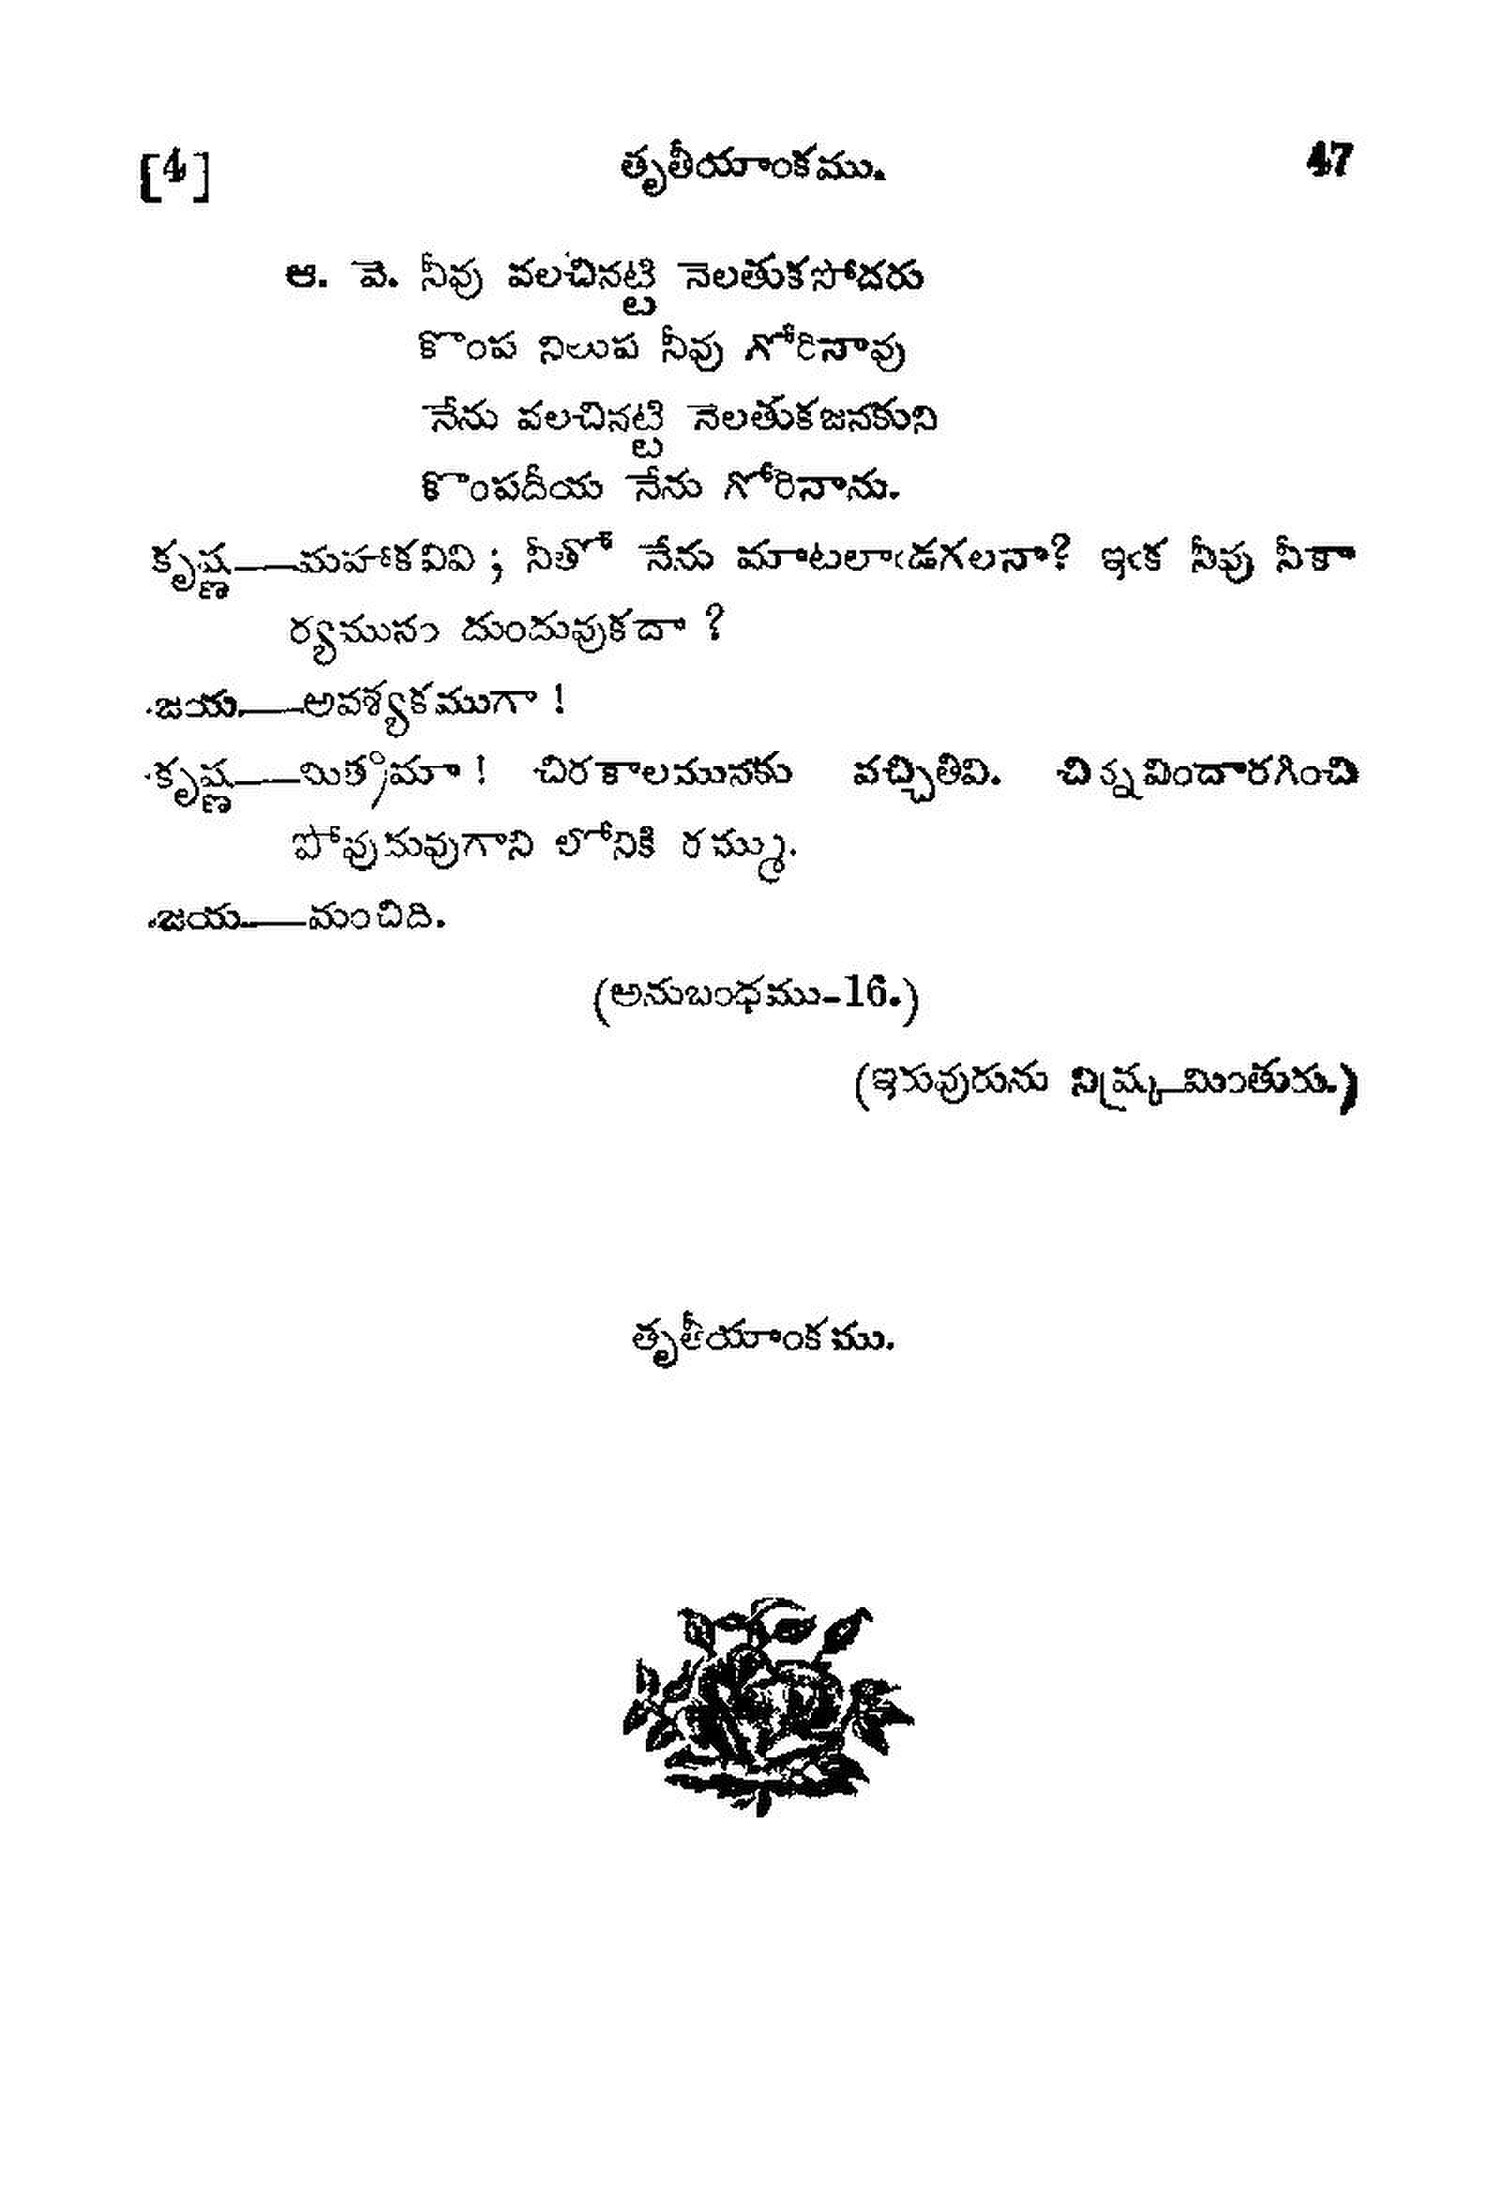ఆ. వె. నీవు వలచినట్టి నెలతుకసోదరు
 కొంప నిలుప నీవు గోరినావు
 నేను వలచినట్టి నెలతుకజనకుని
 కొంపదీయ నేను గోరినాను.
కృష్ణ - మహాకవివి; నీతో నేను మాటలాఁడగలనా? ఇఁక నీవు నీకార్యమునం దుందువుకదా ?

జయ - అవశ్యకముగా !

కృష్ణ - మిత్రమా ! చిరకాలమునకు వచ్చితివి. చిన్నవిందారగించి పోవుదువుగాని లోనికి రమ్ము.

జయ - మంచిది.